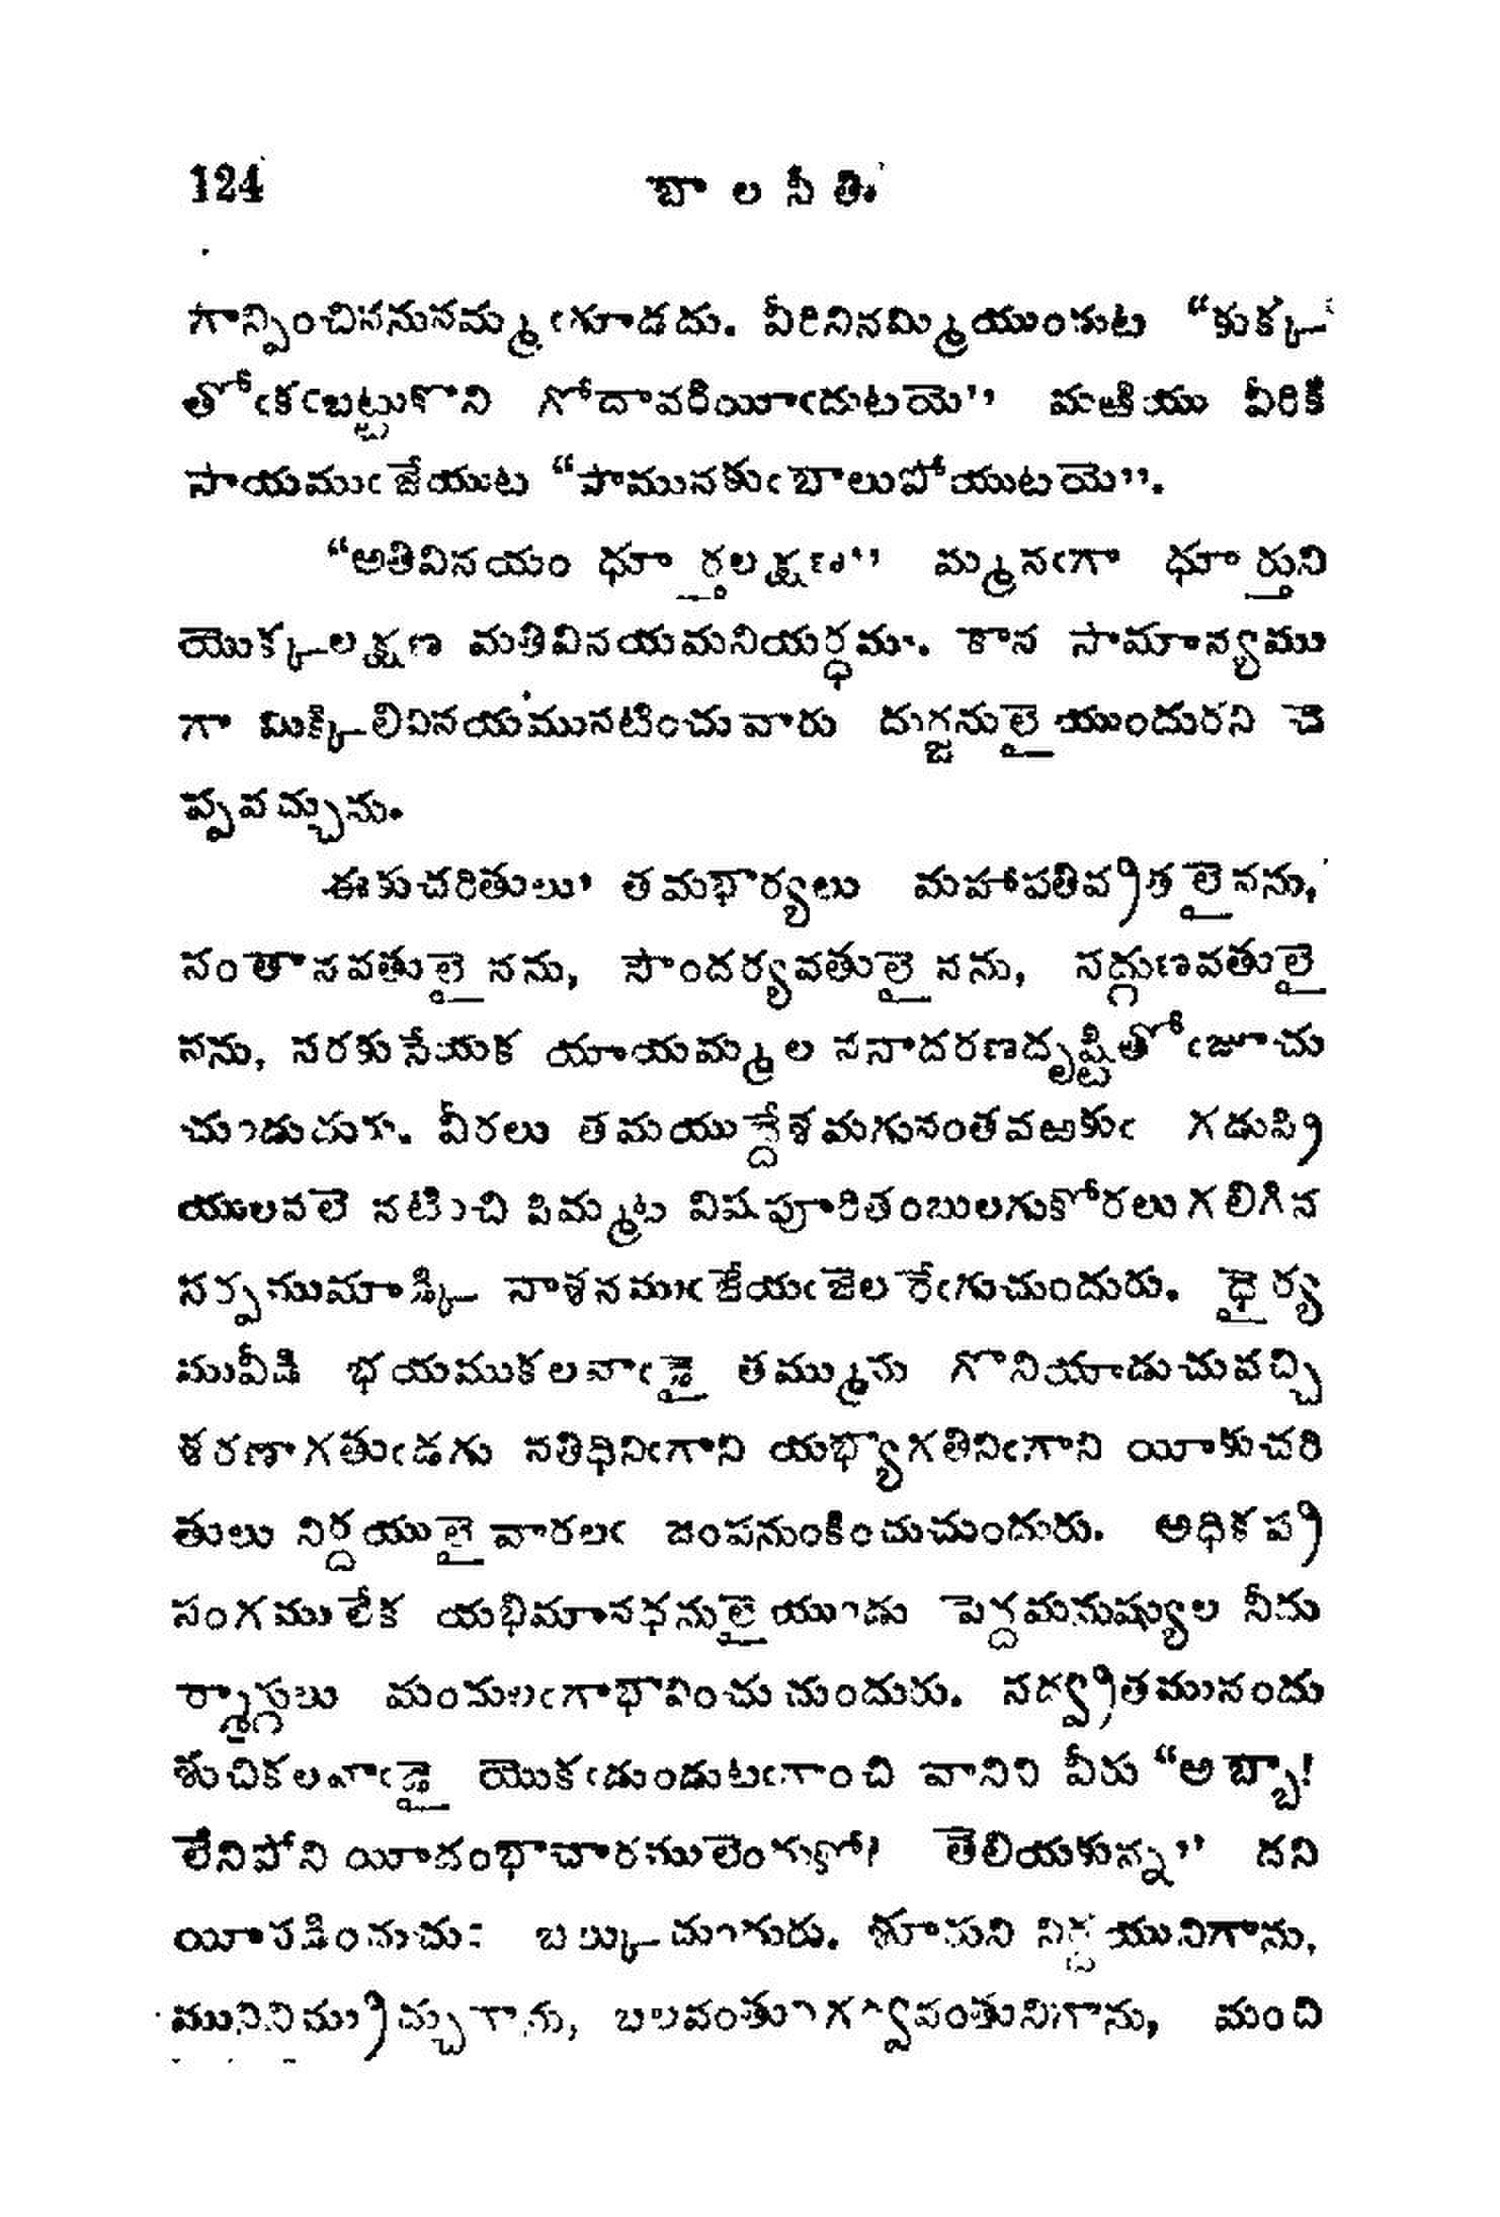గాన్పించిననునమ్మఁగూడదు. వీరినినమ్మియుండుట "కుక్క
తోఁకఁబట్టుకొని గోదావరియీఁదుటయె" మఱియు వీరికి 
సాయముఁజేయుట "పామునకుఁబాలుపోయుటయె"

"అతివినయం ధూర్తలక్షణ" మ్మనఁగా ధూర్తుని 
యొక్కలక్షణ మతివినయమనియర్ధము. కాన సామాన్యము
గా మిక్కిలివినయమునటించువారు దుర్జనులైయుందురని చె
ప్పవచ్చును.

ఈకుచరితులు తమభార్యలు మహాపతివ్రతలైనను, 
సంతానవతులైనను, సౌందర్యవతులైనను, సద్గుణవతులై
నను, సరకుసేయక యాయమ్మల ననాదరణదృష్టితోఁజూచు
చుండుదురు. వీరలు తమయుద్దేశమగునంతవఱకుఁ గడుప్రి
యులవలె నటించి పిమ్మట విషపూరితంబులగుకోరలు గలిగిన 
సర్పముమాడ్కి నాశనముఁజేయఁజెలరేఁగుచుందురు. ధైర్య
మువీడి భయముకలవాఁడై తమ్మును గొనియాడుచువచ్చి 
శరణాగతుఁడగు నతిధినిఁగాని యభ్యాగతినిఁగాని యీకుచరి
తులు నిర్దయులైవారలఁ జంపనుంకించుచుందురు. అధికప్ర
సంగములేక యభిమానధనులైయుండు పెద్దమనుష్యుల నీదు
ర్మార్గులు మందులఁగాభావించుచుందురు. సద్వ్రతమునందు 
శుచికలవాఁడై యొకఁడుండుటఁగాంచి వానిని వీరు "అబ్బా!
లేనిపోని యీదంభాచారములెందుకో? తెలియకున్న" దని 
యీసడించుచుఁ బల్కుచుందురు. శూరుని నిర్దయునిగాను, 
మునినిమ్రుచ్చుగాను, బలవంతునిగర్వవంతునిగాను, మంచి